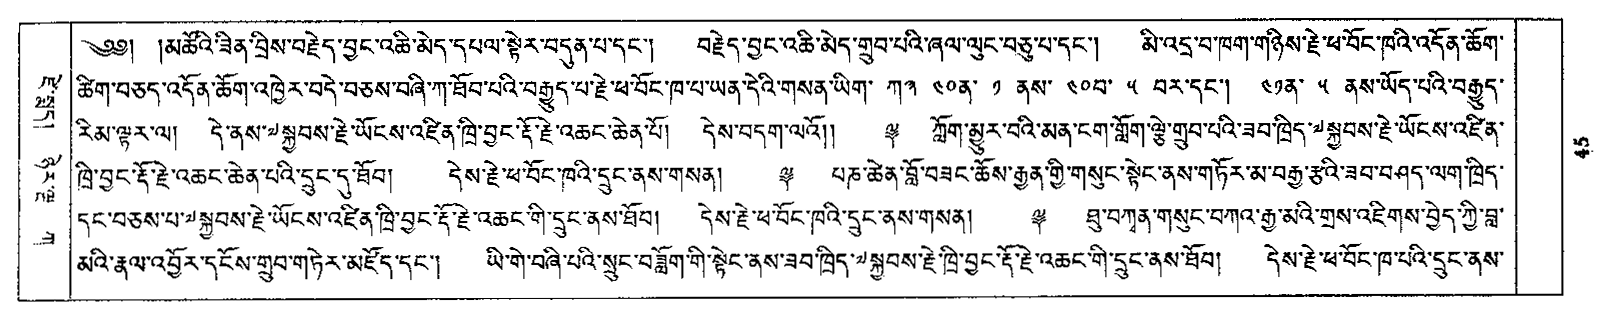༄༅། །མཚོའི་ཟིན་བྲིས་བརྗེད་བྱང་འཆི་མེད་དཔལ་སྟེར་བདུན་པ་དང་། བརྗེད་བྱང་འཆི་མེད་གྲུབ་པའི་ཞལ་ལུང་བཅུ་པ་དང་། མི་འདྲ་བ་ཁག་གཉིས་རྗེ་ཕ་བོང་ཁའི་འདོན་ཆོག་
ཚིག་བཅད་འདོན་ཆོག་འཁྱེར་བདེ་བཅས་བཞི་ཀ་ཐོབ་པའི་བརྒྱུད་པ་རྗེ་ཕ་བོང་ཁ་པ་ཡན་དེའི་གསན་ཡིག་ཀ ༣ ༤༠་ན ༡་ནས ༤༠་བ ༥་བར་དང་། ༤༡་ན ༥་ནས་ཡོད་པའི་བརྒྱུད་
རིམ་ལྟར་ལ། དེ་ནས་༧སྐྱབས་རྗེ་ཡོངས་འཛིན་ཁྲི་བྱང་རྡོ་རྗེ་འཆང་ཆེན་པོ། དེས་བདག་ལའོ།། ༈ ཀློག་མྱུར་བའི་མན་ངག་གློག་ལྕེ་གྲུབ་པའི་ཟབ་ཁྲིད་༧སྐྱབས་རྗེ་ཡོངས་འཛིན་
ཁྲི་བྱང་རྡོ་རྗེ་འཆང་ཆེན་པའི་དྲུང་དུ་ཐོབ། དེས་རྗེ་ཕ་བོང་ཁའི་དྲུང་ནས་གསན། ༈ པཎ་ཆེན་བློ་བཟང་ཆོས་རྒྱན་གྱི་གསུང་སྟེང་ནས་གཏོར་མ་བརྒྱ་རྩའི་ཟབ་བཤད་ལག་ཁྲིད་
དང་བཅས་པ་༧སྐྱབས་རྗེ་ཡོངས་འཛིན་ཁྲི་བྱང་རྡོ་རྗེ་འཆང་གི་དྲུང་ནས་ཐོབ། དེས་རྗེ་ཕ་བོང་ཁའི་དྲུང་ནས་གསན། ༈ ཐུ་བཀྭན་གསུང་བཀའ་རྒྱ་མའི་གྲས་འཇིགས་བྱེད་ཀྱི་བླ་
མའི་རྣལ་འབྱོར་དངོས་གྲུབ་གཏེར་མཛོད་དང་། ཡི་གེ་བཞི་པའི་སྲུང་བཟློག་གི་སྟེང་ནས་ཟབ་ཁྲིད་༈ སྐྱབས་རྗེ་ཁྲི་བྱང་རྡོ་རྗེ་འཆང་གི་དྲུང་ནས་ཐོབ། དེས་རྗེ་ཕ་བོང་ཁ་པའི་དྲུང་ནས་